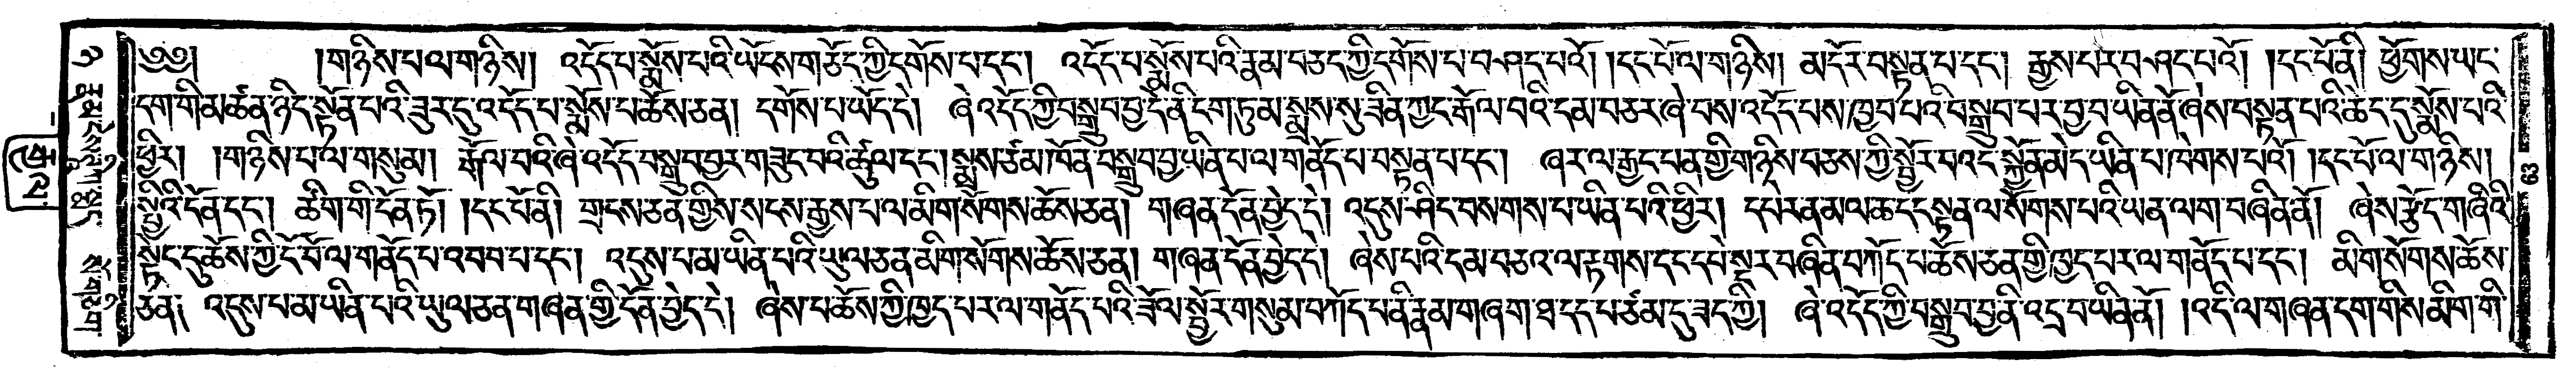༄༅། །གཉིས་པ་ལ་གཉིས། འདོད་པ་སྨྲོས་པའི་ཡོངས་གཅོད་ཀྱི་དགོས་པ་དང་། འདོད་པ་སྨོས་པའི་རྣམ་བཅད་ཀྱི་དགོས་པ་བཤད་པའོ། །དང་པོ་ལ་གཉིས། མདོར་བསྟན་པ་དང་། རྒྱས་པར་བཤད་པའོ། །དང་པོ་ནི། ཕྱོགས་ཡང་
དག་གི་མཚན་ཉིད་སྟོན་པའི་ཟུར་དུ་འདོད་པ་སྨོས་པ་ཆོས་ཅན། དགོས་པ་ཡོད་དེ། ཞེ་འདོད་ཀྱི་བསྒྲུབ་བྱ་དེ་ནི་ངག་ཏུ་མ་སྨྲས་སུ་ཟིན་ཀྱང་རྒོལ་བའི་དམ་བཅར་ཞེ་བས་འདོད་པས་ཁྱབ་པའི་བསྒྲུབ་པར་བྱ་བ་ཡིན་ནོ་ཞེས་བསྟན་པའི་ཆེད་དུ་སྨོས་པའི་
ཕྱིར། །གཉིས་པ་ལ་གསུམ། རྒོལ་བའི་ཞེ་འདོད་བསྒྲུབ་བྱར་གཟུང་བའི་ཚུལ་དང་། སྨྲས་ཙམ་ཁོ་ན་བསྒྲུབ་བྱ་ཡིན་པ་ལ་གནོད་པ་བསྟན་པ་དང་། ཞར་ལ་རྒྱང་པན་གྱི་གཉིས་བཅས་ཀྱི་སྦྱོར་བའང་སྐྱོན་མེད་ཡིན་པ་ཁེགས་པའོ། །དང་པོ་ལ་གཉིས།
སྤྱིའི་དོན་དང་། ཚིག་གི་དོན་ཏོ། །དང་པོ་ནི། གྲངས་ཅན་གྱིས་སངས་རྒྱས་པ་ལ་མིག་སོགས་ཆོས་ཅན། གཞན་དོན་བྱེད་དེ། འདུས་ཤིང་བསགས་པ་ཡིན་པའི་ཕྱིར། དཔེར་ན་མལ་ཆ་དང་སྟན་ལ་སོགས་པའི་ཡན་ལག་བཞིན་ནོ། ཞེས་རྩོད་གཞིའི་
སྟེང་དུ་ཆོས་ཀྱི་ངོ་བོ་ལ་གནོད་པ་འབབ་པ་དང་། འདུས་པ་མ་ཡིན་པའི་ཡུལ་ཅན་མིག་སོགས་ཆོས་ཅན། གཞན་དོན་བྱེད་དེ། ཞེས་པའི་དམ་བཅའ་ལ་རྟགས་དང་དཔེ་སྔར་བཞིན་བཀོད་པ་ཆོས་ཅན་གྱི་ཁྱད་པར་ལ་གནོད་པ་དང་། མིག་སོགས་ཆོས་
ཅན༑ འདུས་པ་མ་ཡིན་པའི་ཡུལ་ཅན་གཞན་གྱི་དོན་བྱེད་དེ། ཞེས་པ་ཆོས་ཀྱི་ཁྱད་པར་ལ་གནོད་པའི་ཟོལ་སྦྱོར་གསུམ་བཀོད་པ་ནི་རྣམ་གཞག་ཐ་དད་པ་ཙམ་དུ་ཟད་ཀྱི། ཞེ་འདོད་ཀྱི་བསྒྲུབ་བྱ་ནི་འདྲ་བ་ཡིན་ནོ། །འདི་ལ་གཞན་དག་གིས་མིག་གི་